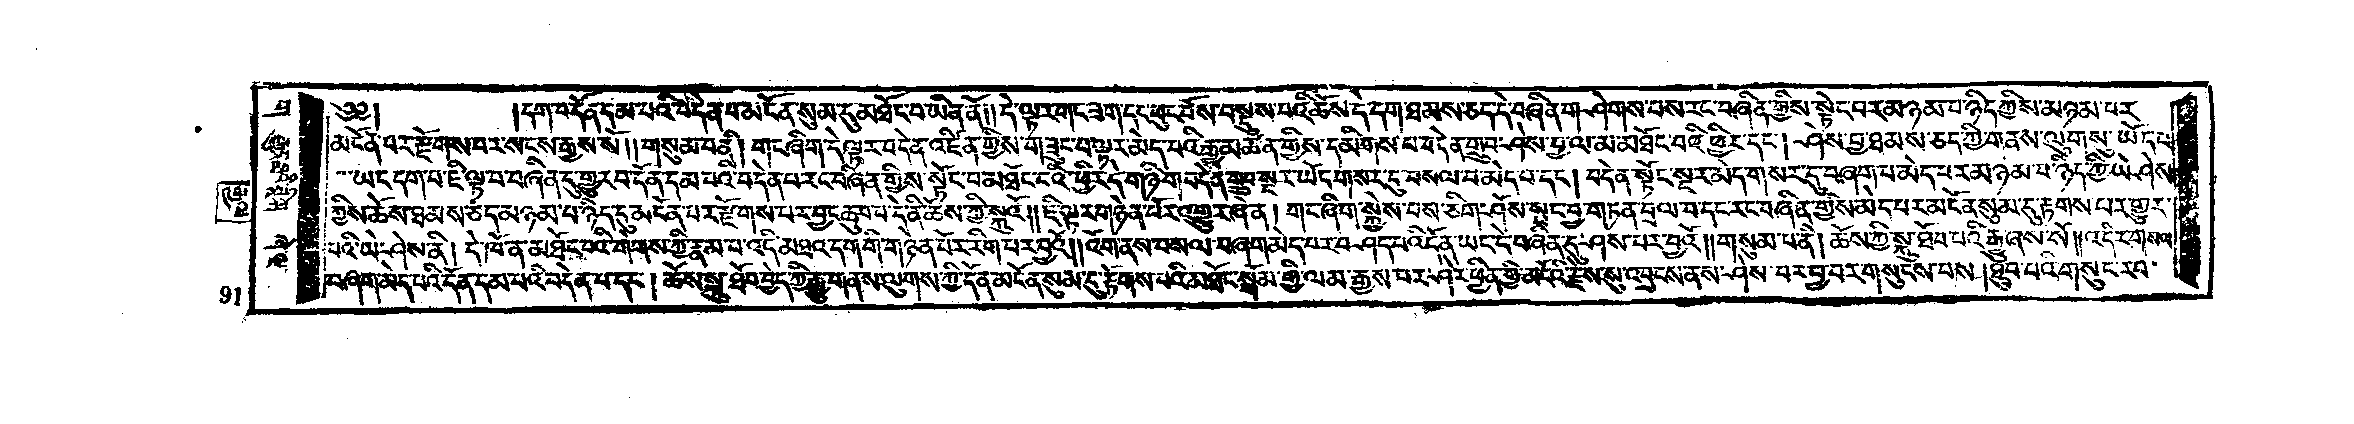༄༅། །དག་པ་དོན་དམ་པའི་བདེན་པ་མངོན་སུམ་དུ་མཐོང་བ་ཡིན་ནོ། །དེ་ལྟར་གང་ཟག་དང་ཕུང་པོས་བསྡུས་པའི་ཆོས་དེ་དག་ཐམས་ཅད་དེ་བཞིན་གཤེགས་པས་རང་བཞིན་གྱིས་སྟེང་བར་མཉམ་པ་ཉིད་ཀྱིས་མཉམ་པར་
མངོན་པར་རྫོགས་པར་སངས་རྒྱས་སོ། །གསུམ་པ་ནི། གང་ཞིག་དེ་ལྟར་བདེན་འཛིན་གྱིས་གཟུང་བ་ལྟར་མེད་པའི་རྒྱུ་མཚན་གྱིས་དམིགས་པ་བདེན་གྲུབ་ཤེས་བྱ་ལ་མ་མཐོང་བའི་ཕྱིར་དང་། ཤེས་བྱ་ཐམས་ཅད་ཀྱི་གནས་ལུགས་སུ་ཡོད་པ་
ཡང་དག་པ་ཇི་ལྟ་བ་བཞིན་དུ་གྱུར་པ་དོན་དམ་པའི་བདེན་པ་རང་བཞིན་གྱིས་སྟོང་པ་མཐོང་བའི་ཕྱིར་དེ་གཉི་ག་བདེན་གྲུབ་སྔར་ཡོད་གསར་དུ་བསལ་བ་མེད་པ་དང་། བདེན་སྟོང་སྔར་མེད་གསར་དུ་བཞག་པ་མེད་པར་མཉམ་པ་ཉིད་ཀྱི་ཡེ་ཤེས་
ཀྱིས་ཆོས་ཐམས་ཅད་མཉམ་པ་ཉིད་དུ་མངོན་པར་རྫོགས་པར་བྱང་ཆུབ་པ་དེ་ནི་ཆོས་ཀྱི་སྐུའོ། །ཇི་ལྟར་གཉེན་པོར་འགྱུར་ཞེ་ན། གང་ཞིག་སྐྱེས་པས་ཅིག་ཤོས་སྤང་བྱ་གཏན་བྲལ་བ་དང་རང་བཞིན་གྱིས་མེད་པར་མངོན་སུམ་དུ་རྟགས་པར་གྱུར་
པའི་ཡེ་ཤེས་ནི། དེ་ཁོ་ན་མཐོང་བའི་གེགས་ཀྱི་རྣམ་པ་འདི་མཐའ་དག་གི་གཉེན་པོར་རིག་པར་བྱའོ། །འོག་ནས་བསལ་བཞག་མེད་པར་བཤད་པའི་དོན་ཡང་དེ་བཞིན་དུ་ཤས་པར་བྱའོ། །གསུམ་པ་ནི། ཆོས་ཀྱི་སྐུ་ཐོབ་པའི་རྒྱུ་ཞེས་སོ། །འདིར་གསལ་
བཞག་མེད་པའི་དོན་དམ་པའི་བདེན་པ་དང་། ཆོས་སྐུ་ཐོབ་བྱེད་ཀྱི་རྒྱུ་གནས་ལུགས་ཀྱི་དོན་མངོན་སུམ་དུ་རྟོགས་པའི་མཐོང་སྒོམ་གྱི་ལམ་རྒྱས་པར་ཤེར་ཕྱིན་གྱི་མདོའི་རྗེས་སུ་འབྲངས་ནས་ཤེས་པར་བྱ་བར་གསུངས་པས། ཐུབ་པའི་གསུང་རབ་